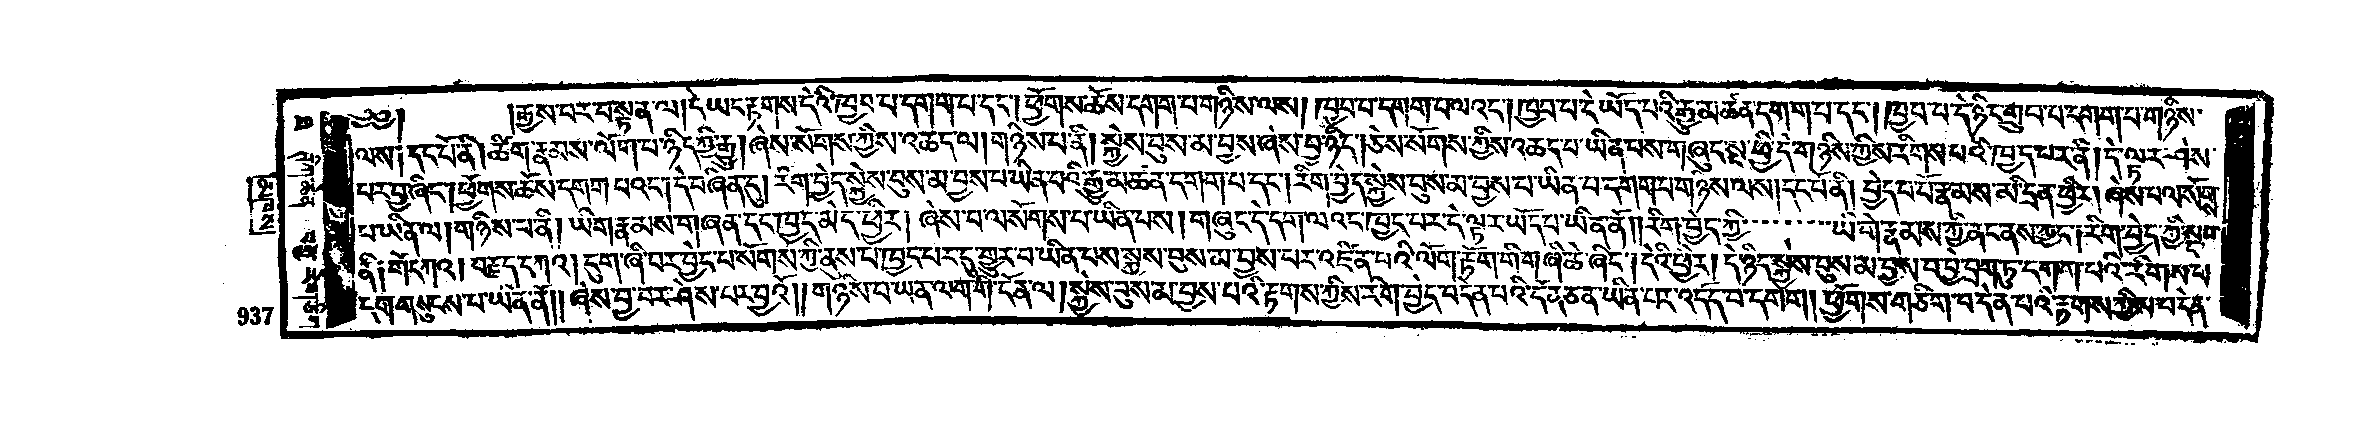༄༅། །རྒྱས་པར་བསྟན་ལ། དེ་ཡང་རྟགས་དེའི་ཁྱབ་པ་དགག་པ་དང་། ཕྱོགས་ཆོས་དགག་པ་གཉིས་ལས། ཁྱབ་པ་དགག་པ་ལའང་། ཁྱབ་པ་དེ་ཡོད་པའི་རྒྱུ་མཚན་དགག་པ་དང་། ཁྱབ་པ་དེ་ཉིད་གྲུབ་པ་དགག་པ་གཉིས་
ལས། དང་པོ་ནི། ཚིག་རྣམས་ལོག་པ་ཉིད་ཀྱི་རྒྱུ། ཞེས་སོགས་ཀྱིས་འཆད་ལ། གཉིས་པ་ནི། སྐྱེས་བུས་མ་བྱས་ཞེས་བྱ་ཉིད། ཅེས་སོགས་ཀྱིས་འཆད་པ་ཡིན་པས་གཞུང་སྔ་ཕྱི་དེ་གཉིས་ཀྱིས་རིགས་པའི་ཁྱད་པར་ནི། དེ་ལྟར་ཤེས་
པར་བྱ་ཞིང་། ཕྱོགས་ཆོས་དགག་པའང་། དེ་བཞིན་དུ། རིག་བྱེད་སྐྱེས་བུས་མ་བྱས་པ་ཡིན་པའི་རྒྱུ་མཚན་དགག་པ་དང་། རིག་བྱེད་སྐྱེས་བུས་མ་བྱས་པ་ཡིན་པ་དགག་པ་གཉིས་ལས། དང་པོ་ནི། བྱེད་པ་པོ་རྣམས་མི་དྲན་ཕྱིར། ཞེས་པ་ལ་སོགས་
པ་ཡིན་ལ། གཉིས་པ་ནི། ཡིག་རྣམས་གཞན་དང་ཁྱད་མེད་ཕྱིར། ཞེས་པ་ལ་སོགས་པ་ཡིན་པས། གཞུང་དེ་དག་ལའང་ཁྱད་པར་དེ་ལྟར་ཡོད་པ་ཡིན་ནོ། རིག་བྱེད་ཀྱི་ཡི་གེ་རྣམས་ཀྱི་ནང་ནས་ཀྱང་། རིག་བྱེད་ཀྱི་སྔག་
ནི། གོ་དཀའ། བརྗོད་དཀའ། དུག་ཞི་བར་བྱེད་པ་སོགས་ཀྱི་ནུས་པ་ཁྱད་པར་དུ་གྱུར་པ་ཡིན་པས་སྐྱེས་བུས་མ་བྱས་པར་འཛིན་པའི་ལོག་རྟོག་གི་གཞི་ཆེ་ཞིང་། དེའི་ཕྱིར། དེ་ཉིད་སྐྱེས་བུས་མ་བྱས་བ་བྱེ་བྲག་ཏུ་དགག་པའི་རིགས་པ་
དག་གསུངས་པ་ཡིན་ནོ། །ཞེས་བྱ་བར་ཤེས་པར་བྱའོ། །གཉིས་པ་ཡན་ལག་གི་དོན་ལ། སྐྱེས་བུས་མ་བྱས་པའི་རྟགས་ཀྱིས་རིག་བྱེད་བདེན་པའི་དོན་ཅན་ཡིན་པར་འདོད་པ་དགག །ཕྱོགས་གཅིག་བདེན་པའི་རྟགས་ཀྱིས་བདེན་